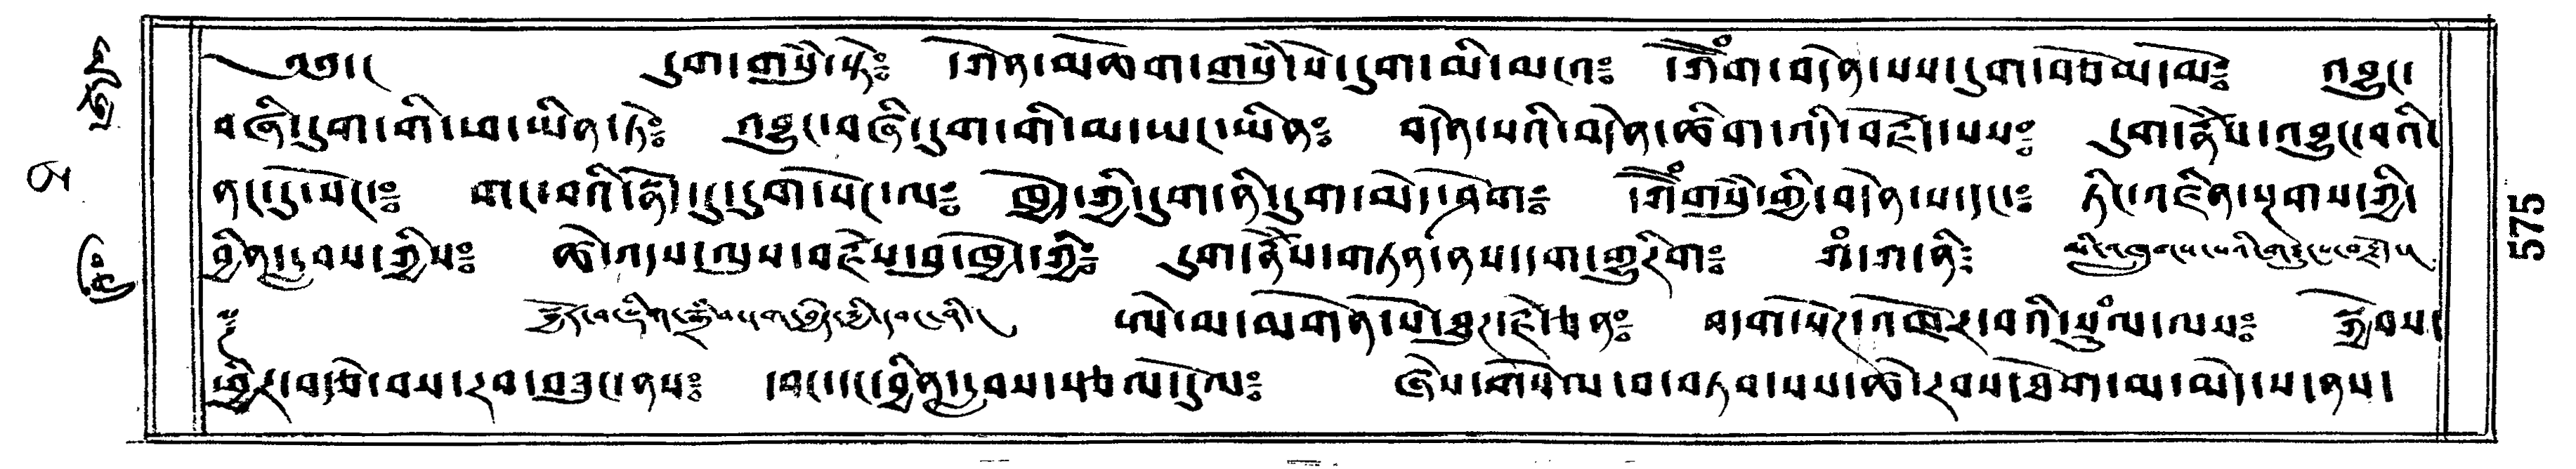དུག་གསུམ་སྟེ༔ དཀོན་མཆོག་གསུམ་པོ་དུག་མི་མངའ༔ དཀོན་མཆོག་བདེན་པས་དུག་བཅོམ་མོ༔ འབྱུང་
བཞི་དུག་གི་ཕ་ཡིན་ཏེ༔ འབྱུང་བཞི་དུག་གི་མ་ཡང་ཡིན༔ བདེན་པའི་བདེན་ཚིག་འདི་བརྗོད་པས༔ དུག་རྣམས་འབྱུང་བའི་
ནང་དུ་སོང༔ གང་བའི་སྣོད་དུ་དུག་སོང་ལྟར༔ ཁྱོད་ཀྱི་དུག་ནི་དུག་མེད་ཤོག༔ དཀོན་མཆོག་གསུམ་གྱི་བདེན་པ་དང༔ ཏིང་འཛིན་སྔགས་ཀྱི་
བྱིན་རླབས་ཀྱིས༔ ཚེ་འདས་ལུས་བརྗེས་བུ་ཁྱོད་ཀྱི༔ དུག་རྣམས་གཏན་ནས་དག་གྱུར་ཅིག༔ ཀཾ་ཀ་ནི༴ མི་འཁྲུགས་པའི་གཟུངས་བརྗོད། 
༈ སྦྱོར་བ་སྡིག་སྒྲིབ་དག་བྱེད་ཀྱི་དབང་ནི། ཨེ་མ་མགོན་པོ་ཐུགས་རྗེ་ཅན༔བདག་སོགས་འཁོར་བའི་སྡུག་བསྔལ་ལས༔ སྐྱོབ་
ཕྱིར་བརྩེ་བས་རབ་བཟུང་ནས༔ དབང་དང་བྱིན་རླབས་བསྩལ་དུ་གསོལ༔ ཞེས་གསོལ་བ་བཏབ་པས་ཚེ་རབས་ཐོག་མ་མེད་པ་ནས་